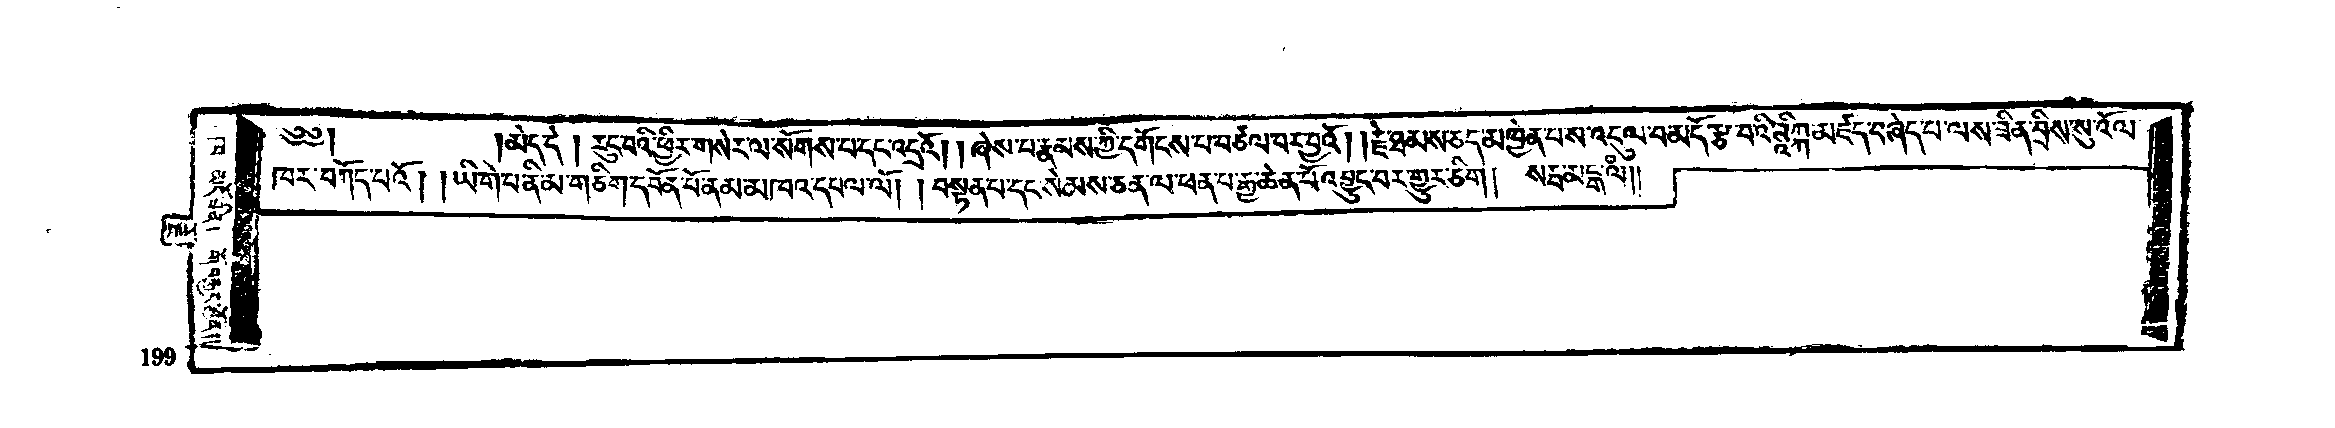༄༅། །མེད་དེ། རུང་བའི་ཕྱིར་གསེར་ལ་སོགས་པ་དང་འདྲའོ། །ཞེས་པ་རྣམས་ཀྱི་དགོངས་པ་བཙལ་བར་བྱའོ། །རྗེ་ཐམས་ཅད་མཁྱེན་པས་འདུལ་བ་མདོ་རྩ་བའི་ཊཱིཀྐ་མཛད་བཞེད་པ་ལས་ཟིན་བྲིས་སུ་འོལ་
ཁར་བཀོད་པའོ། །ཡི་གེ་པ་ནི་མ་གཅིག་དབོན་པོ་ནམ་མཁའ་དཔལ་ལོ། །བསྟན་པ་དང་སེམས་ཅན་ལ་ཕན་པ་རྒྱ་ཆེན་པོ་འབྱུང་བར་གྱུར་ཅིག། སརྦ་མངྒ་ལཾ།།